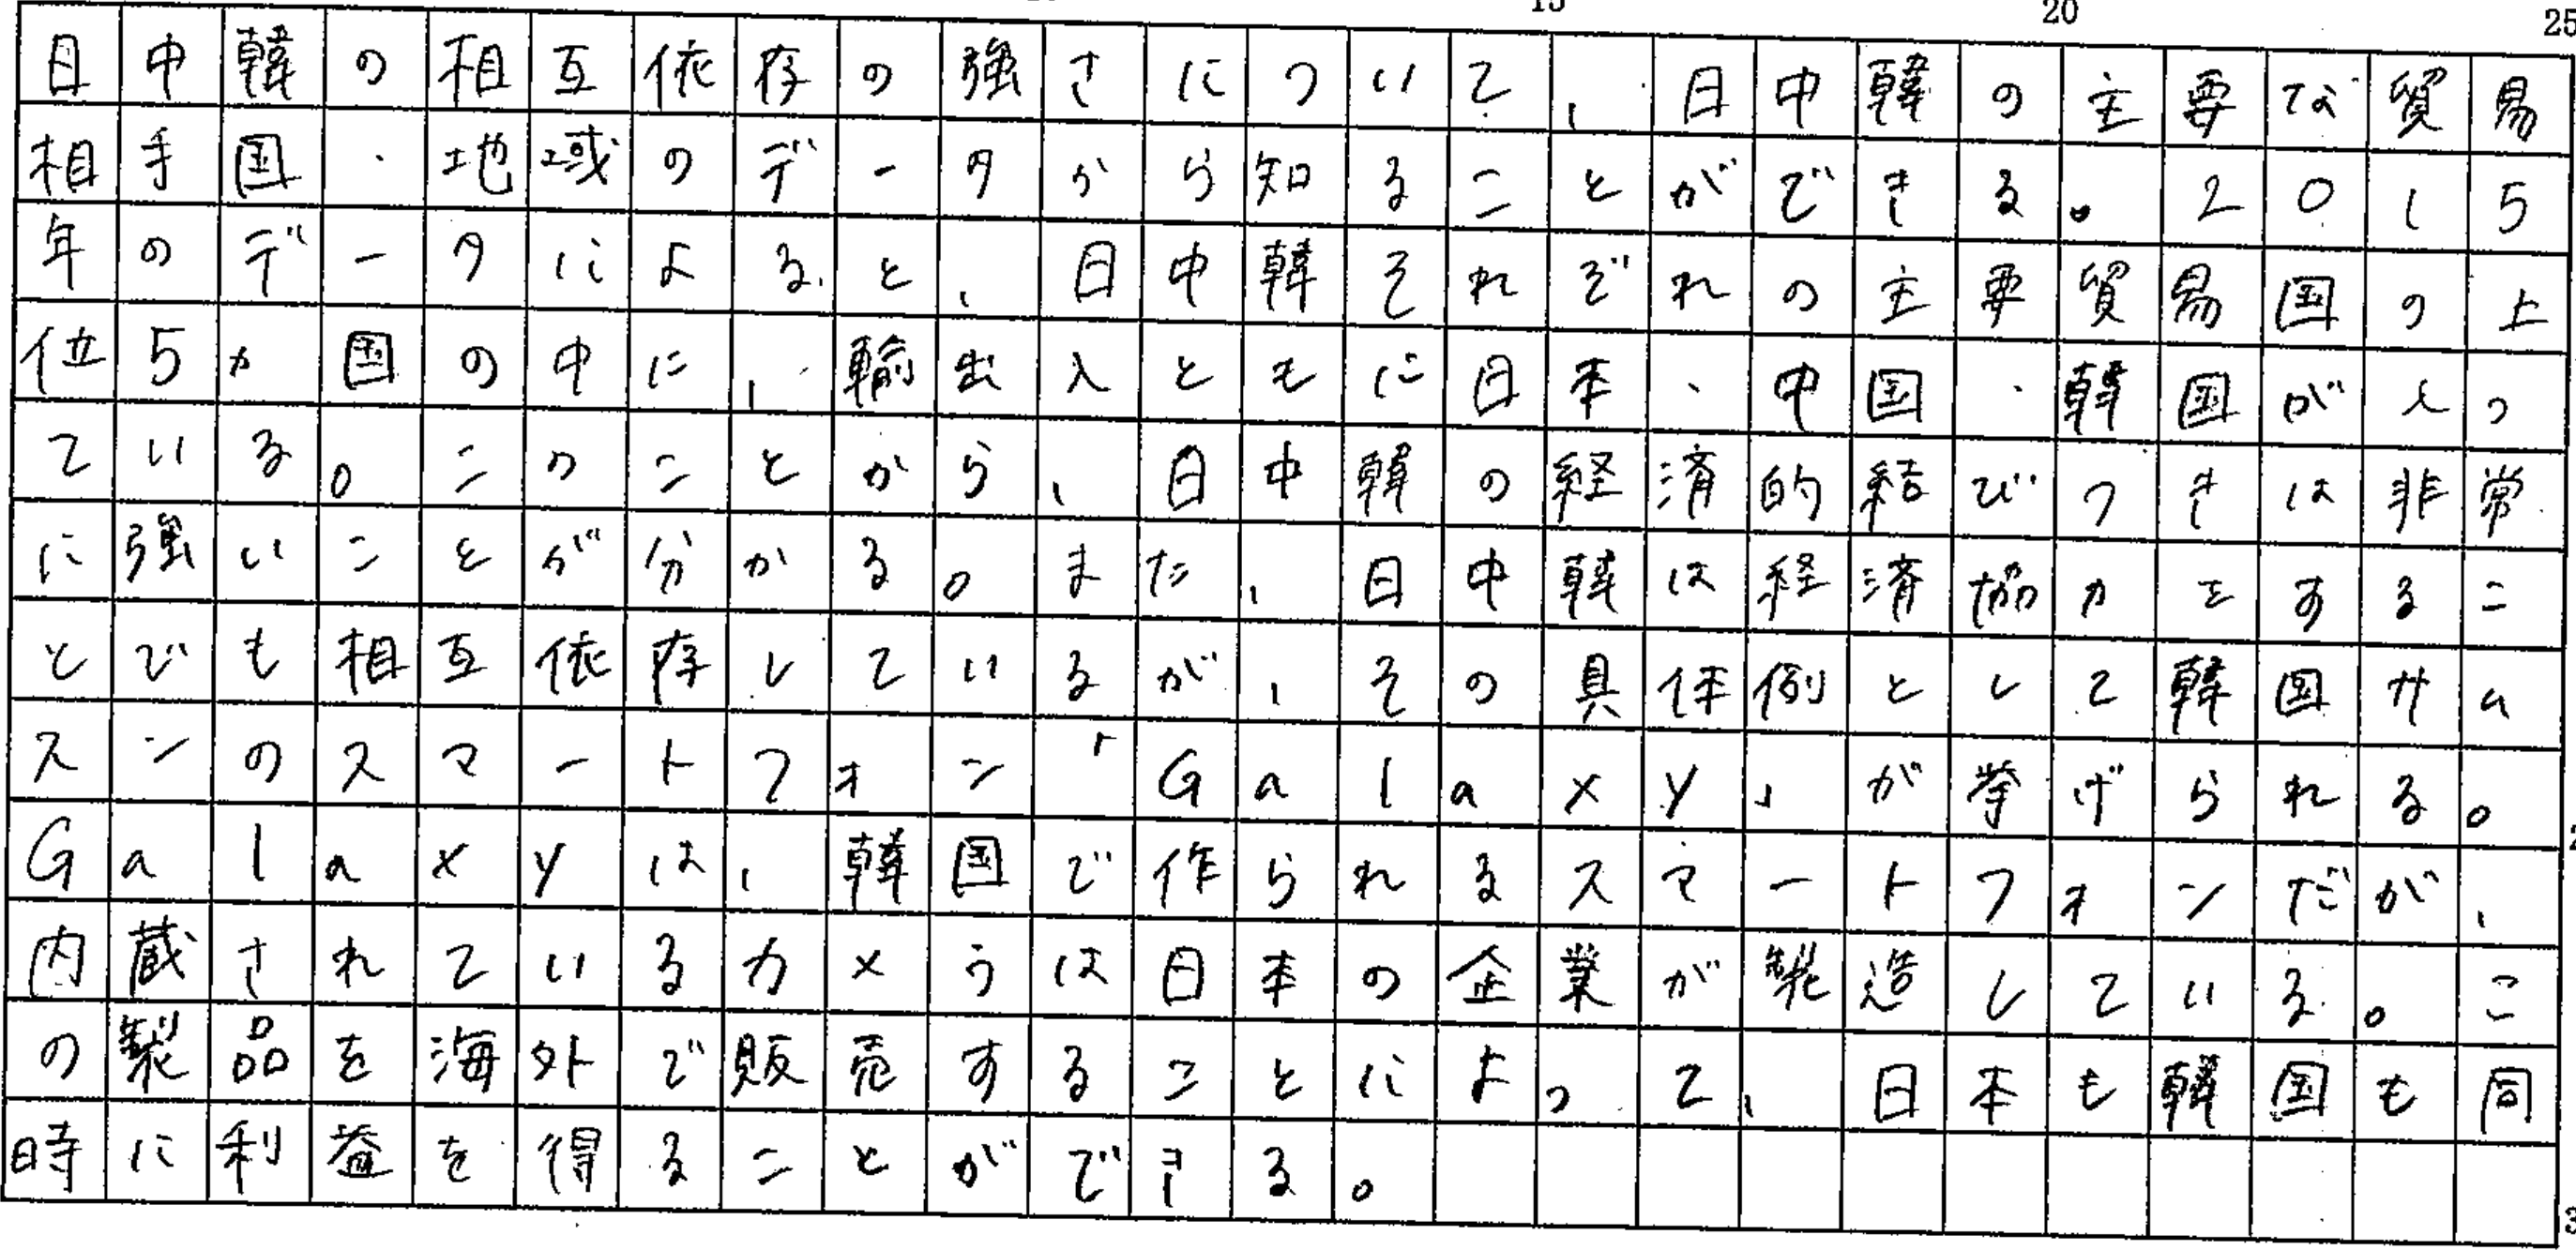日中韓の相互依存の強さについて、日中韓の主要な貿易相手国・地域のデータから知ることができる。２０１５年のデータによると、日中韓それぞれの主要貿易国の上位５ヵ国の中に、輸出入ともに日本・中国・韓国が入っている。このことから、日中韓の経済的結びつきは非常に強いことが分かる。また、日中韓は経済協力をすることでも相互依存しているが、その具体例として韓国サムスンのスマートフォン「Ｇａｌａｘｙ」が挙げられる。Ｇａｌａｘｙは、韓国で作られるスマートフォンだが、内蔵されているカメラは日本の企業が製造している。この製品を海外で販売することによって、日本も韓国も同時に利益を得ることができる。
